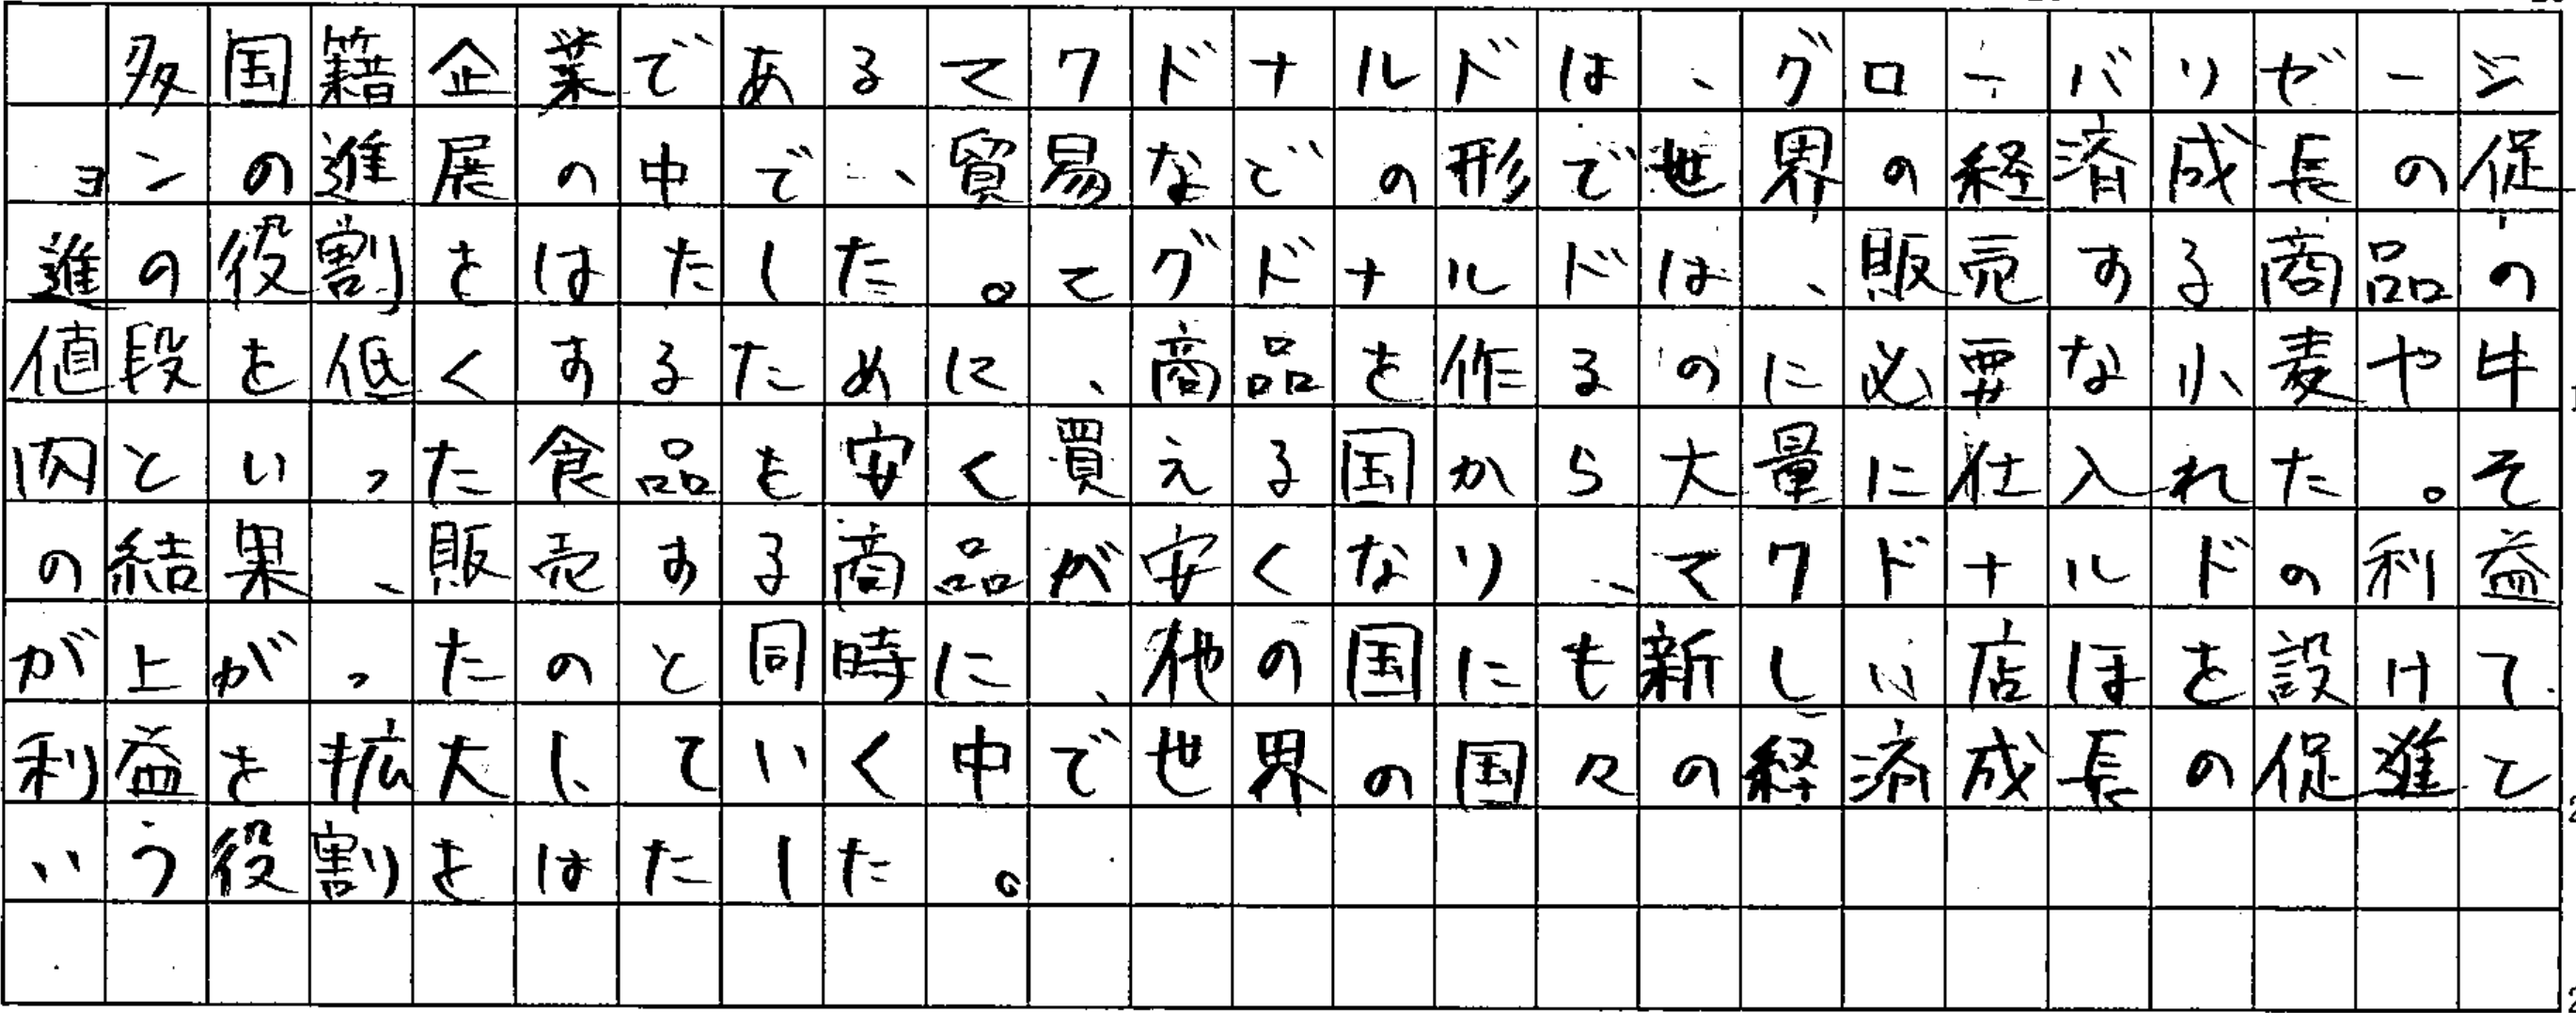　多国籍企業であるマクドナルドは、グローバリゼーションの進展の中で、貿易などの形で世界の経済成長の促進の役割をはたした。マクドナルドは、販売する商品の値段を低くするために、商品を作るのに必要な小麦や牛肉といった食品を安く買える国から大量に仕入れた。その結果、販売する商品が安くなり、マクドナルドの利益が上がったのと同時に、他の国にも新しい店ほを設けて利益を拡大していく中で世界の国々の経済成長の促進という役割をはたした。
